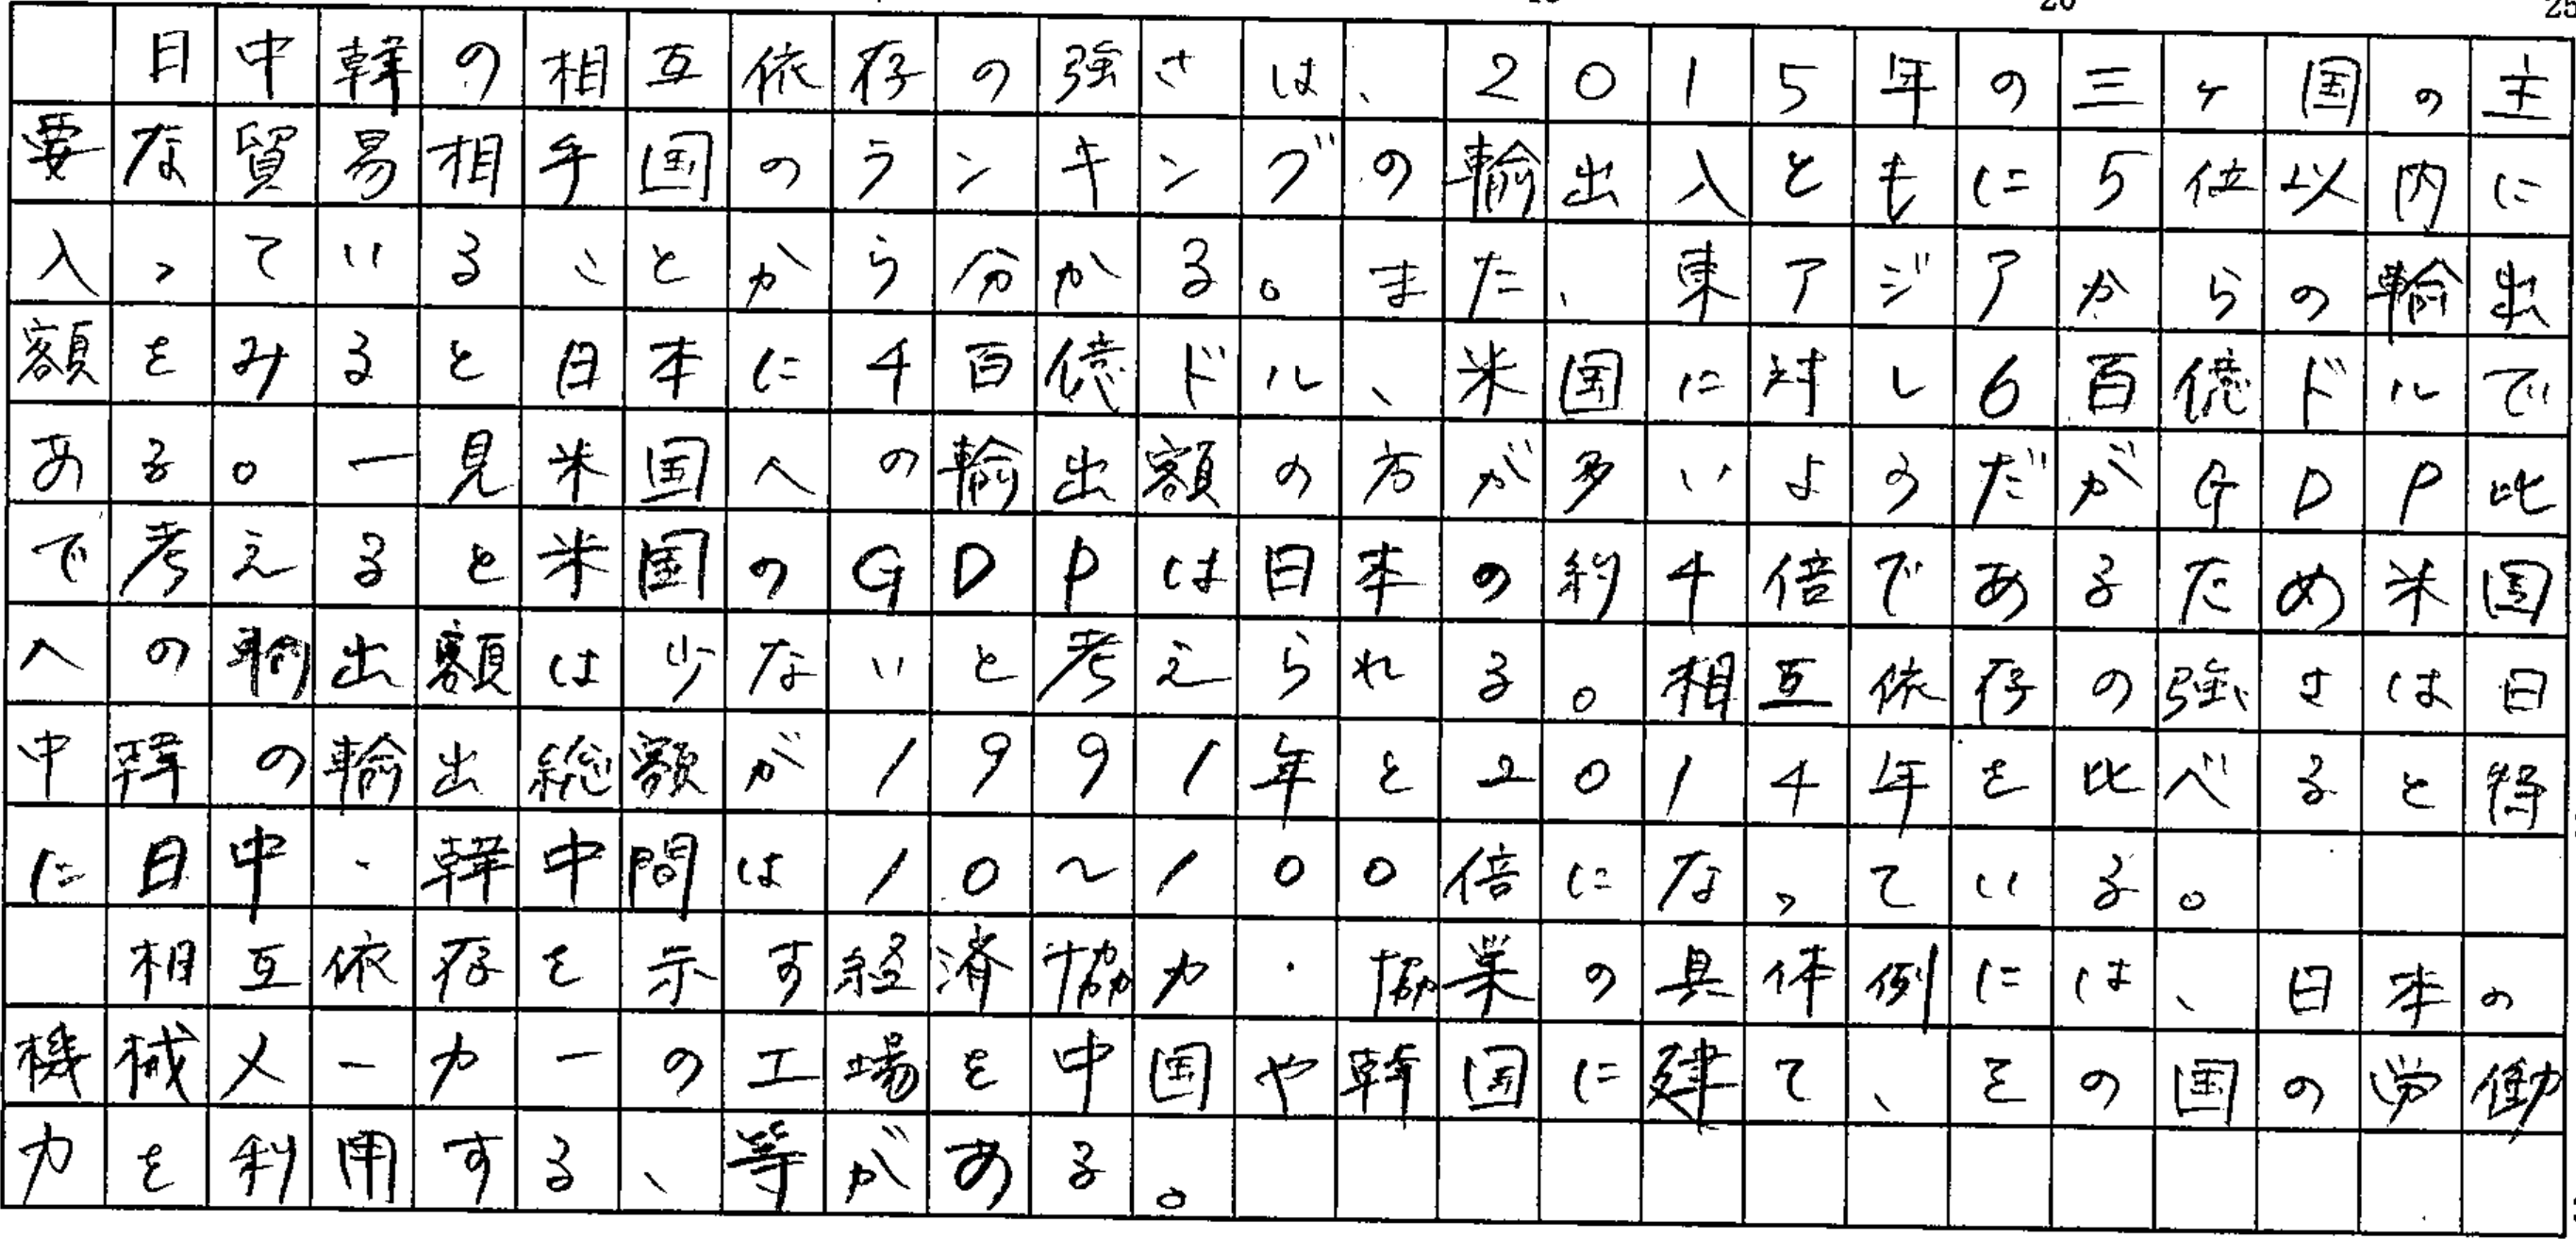　日中韓の相互依存の強さは、２０１５年の三ヶ国の主要な貿易相手国のランキングの輸出入ともに５位以内に入っていることから分かる。また、東アジアからの輸出額をみると日本に４百億ドル、米国に対し６百億ドルである。一見米国への輸出額の方が多いようだがＧＤＰ比で考えると米国のＧＤＰは日本の約４倍であるため米国への輸出額は少ないと考えられる。相互依存の強さは日中韓の輸出総額が１９９１年と２０１４年を比べると特に日中・韓中間は１０～１００倍になっている。
　相互依存を示す経済協力・協業の具体例には、日本の機械メーカーの工場を中国や韓国に建て、その国の労働力を利用する、等がある。
